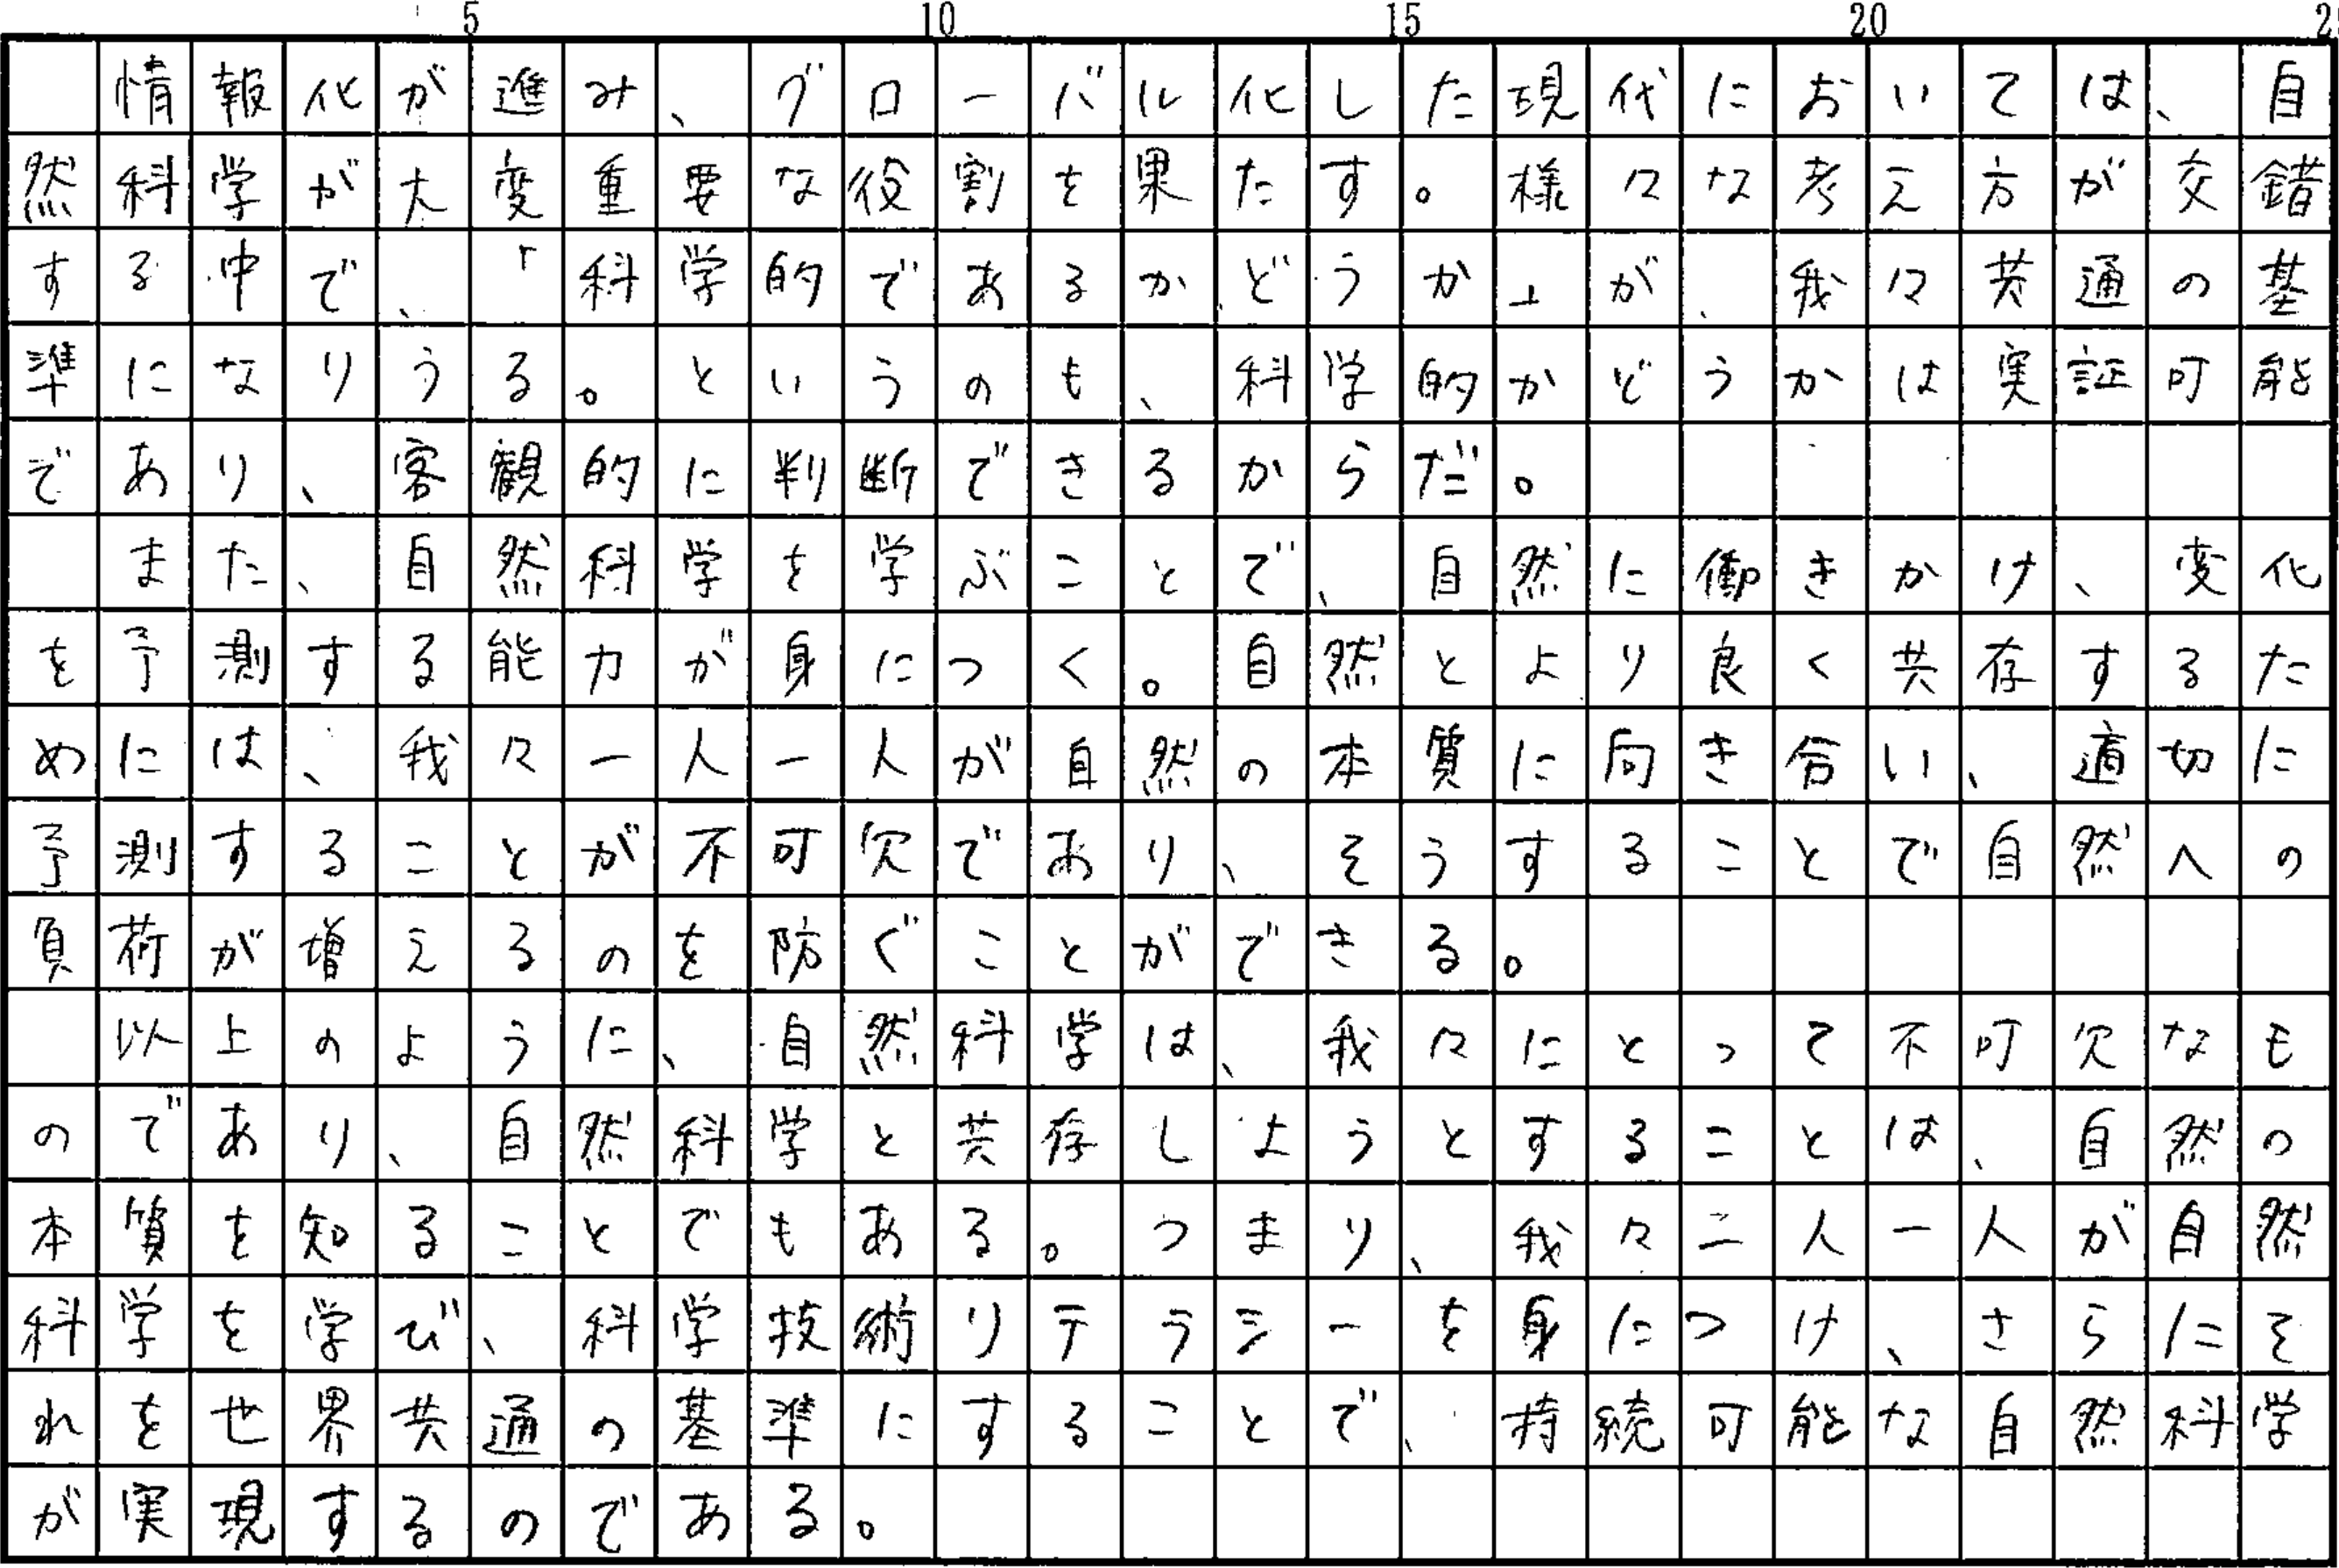　情報化が進み、グローバル化した現代においては、自然科学が大変重要な役割を果たす。様々な考え方が交錯する中で、「科学的であるかどうか」が、我々共通の基準になりうる。というのも、科学的かどうかは実証可能であり、客観的に判断できるからだ。
　また、自然科学を学ぶことで、自然に働きかけ、変化を予測する能力が身につく。自然とより良く共存するためには、我々一人一人が自然の本質に向き合い、適切に予測することが不可欠であり、そうすることで自然への負荷が増えるのを防ぐことができる。
　以上のように、自然科学は、我々にとって不可欠なものであり、自然科学と共存しようとすることは、自然の本質を知ることでもある。つまり、我々一人一人が自然科学を学び、科学技術リテラシーを身につけ、さらにそれを世界共通の基準にすることで、持続可能な自然科学が実現するのである。
